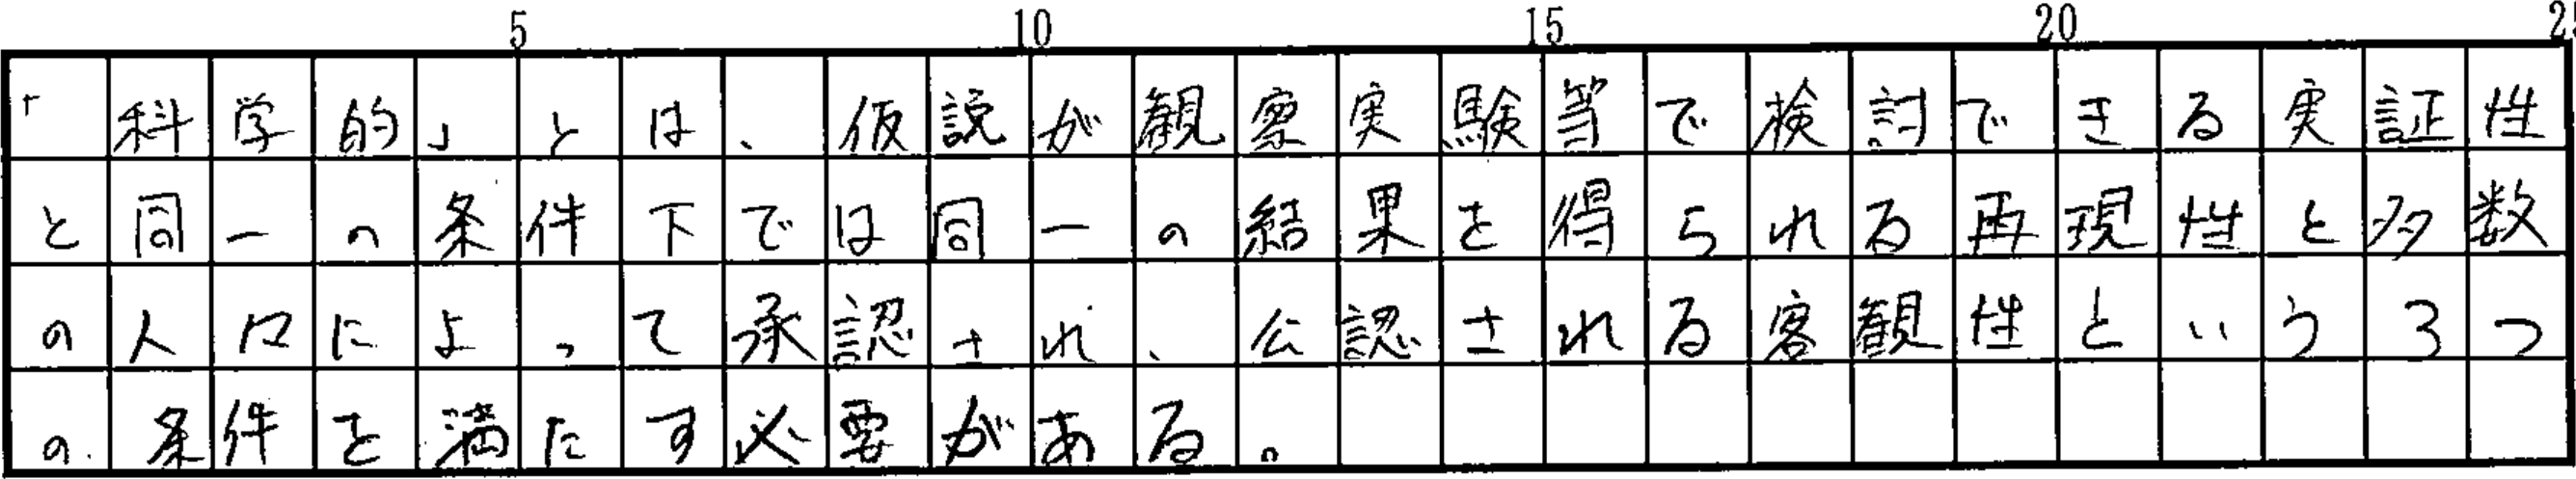「科学的」とは、仮説が観察実験等で検討できる実証性と同一の条件下では同一の結果を得られる再現性と多数の人々によって承認され、公認される客観性という３つの条件を満たす必要がある。
